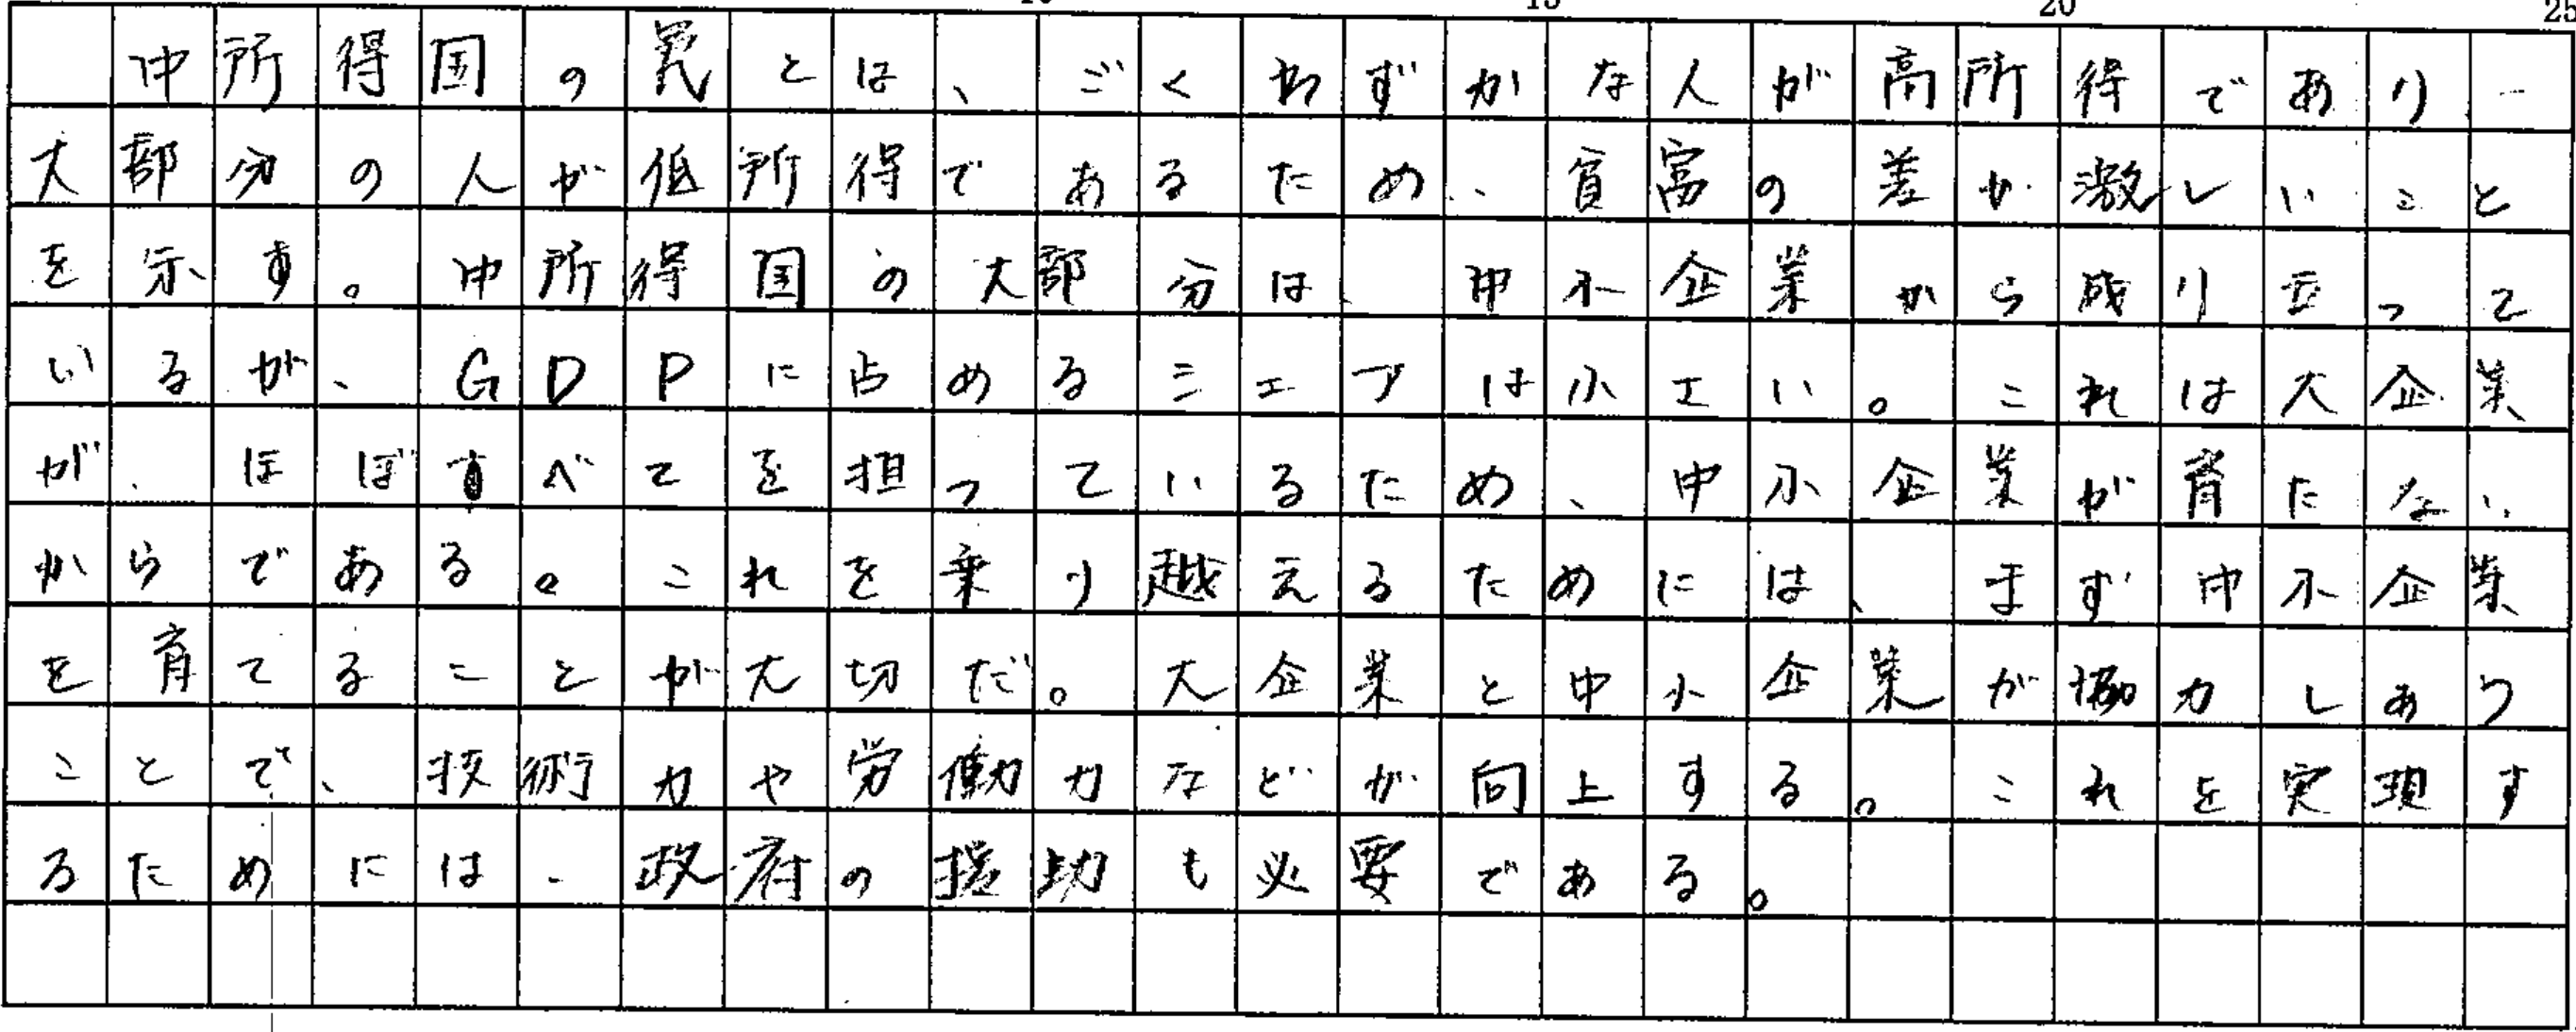　中所得国の罠とは、ごくわずかな人が高所得であり　大部分の人が低所得であるため、貧富の差が激しいことを示す。中所得国の大部分は、中小企業から成り立っているが、ＧＤＰに占めるシェアは小さい。これは大企業が、ほぼすべてを担っているため、中小企業が育たないからである。これを乗り越えるためには、まず中小企業を育てることが大切だ。大企業と中小企業が協力しあうことで、技術力や労働力などが向上する。これを実現するためには、政府の援助も必要である。
